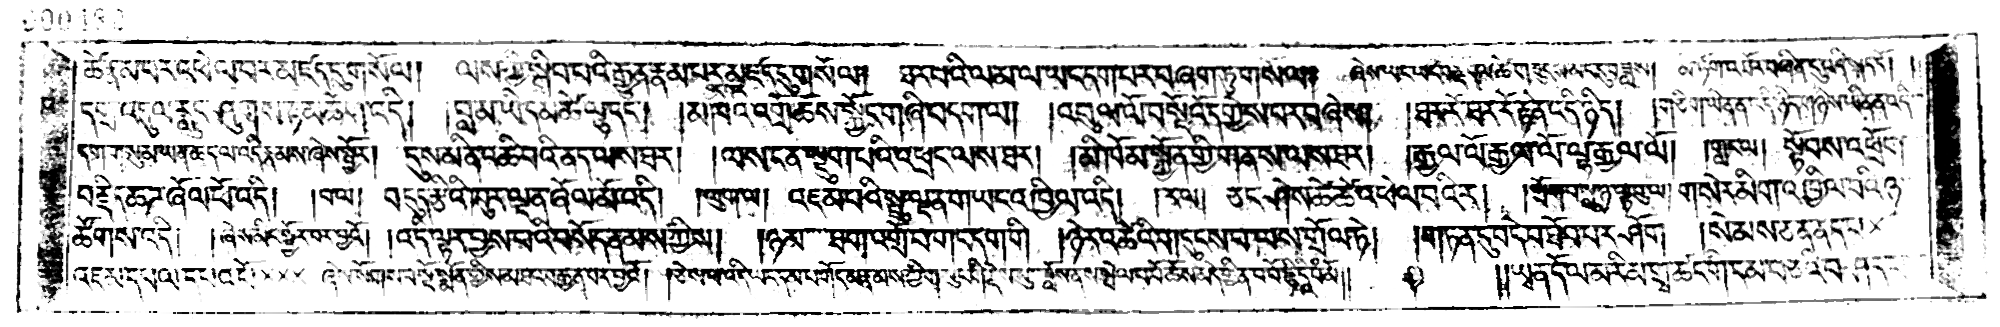ཚེ་རྣམ་པར་འཕེལ་བར་མཛད་དུ་གསོལ། ལས་ཀྱི་སྒྲིབ་པའི་རྒྱུན་རྣམ་པར་བྱང་བར་མཛད་དུ་གསོལ། ཐར་པའི་ལམ་ལ་ཡང་དག་པར་བཞག་ཏུ་གསོལ། ཞེས་ཡང་ཡང་བརྗོད་ལ་ཚེ་གཟུངས་མང་དུ་བཟླས། མེ་ཏོག་འཐོར་བཞིན་དུ་འདི་སྐད་དོ། །
དགྲ་འདུལ་རླུང་ཤུགས་རྟ་མཆོག་འདི། །བླ་མ་ཡི་དམ་ཚེ་ལྷ་དང་། །མཁའ་འགྲོ་ཆོས་སྐྱོང་གཞི་བདག་ལ། །འབུལ་ལོ་བསྔོའོ་དགྱེས་པར་བཞེས། །ཐར་རོ་ཐར་རོ་རྟེན་འདི་ཉིད། །གཅིག་ཡིན་ན་འདི་ཉིད་གཉིས་ཡིན་ན་འདི་
དག་གསུམ་ཡན་ཆད་ལ་འདི་རྣམས་ཞེས་སྦྱོར། དུས་མིན་འཆི་བའི་ནད་ལས་ཐར། །ལས་ངན་སྡུག་པའི་འཕྲང་ལས་ཐར། །མི་ཁོམ་སྐྱོན་གྱི་གནས་ལས་ཐར། །རྒྱལ་ལོ་རྒྱལ་ལོ་ལྷ་རྒྱལ་ལོ། ། གླང་ལ།  སྟོབས་འཕྲོག་
བརྗིད་ཆགས་ཞོལ་ཕོ་འདི། །བ་ལ།  བདུད་རྩིའི་ཁུར་ལྡན་ཞོལ་མོ་འདི། །ལུག་ལ།  འཇམ་པའི་སྤུ་ལྡན་གཡང་འཁྱིལ་འདི། །ར་ལ།  ཅང་ཤེས་ཚེ་ཚེ་འཕེལ་བའི་ར། །སྲོག་བསླུ་ཉ་ལྟ་བུ་ལ།  གསེར་མིག་འཁྱིལ་བའི་ཉ་
ཚོགས་འདི། །ཞེས་མིང་སྦྱོར་བར་བྱའོ།  །འདི་ལྟར་བྱས་པའི་བསོད་ནམས་ཀྱིས། །ཉམ་ཐག་འགྲོ་བ་གང་དག་གི །ཉེར་འཚེའི་གདུངས་པ་ལས་གྲོལ་ཏེ། །གཏན་དུ་བདེ་བ་ཐོབ་པར་ཤོག །སེམས་ཅན་ནད་པ྾་
འཇམ་དཔལ་དཔའ་བོ྾྾྾་ཞེས་སོགས་བསྔོ་སྨོན་གྱིས་མཐའ་བརྒྱན་པར་བྱའོ། །ཅེས་པ་འདི་ཡང་དམ་པ་གོང་མ་རྣམས་ཀྱི་གསུང་གི་རྗེས་སུ་ཟློས་ནས་སྤེལ་བ་པོ་ཆོས་མེད་གྱི་ན་བ་བོདྷི་དཱི་བཾ་མོ།།  ༈ །།ཡྭན་དོ་ལམ་རིམ་གྲྭ་ཚང་གི་དམ་བཅའི་བཤད་པ་